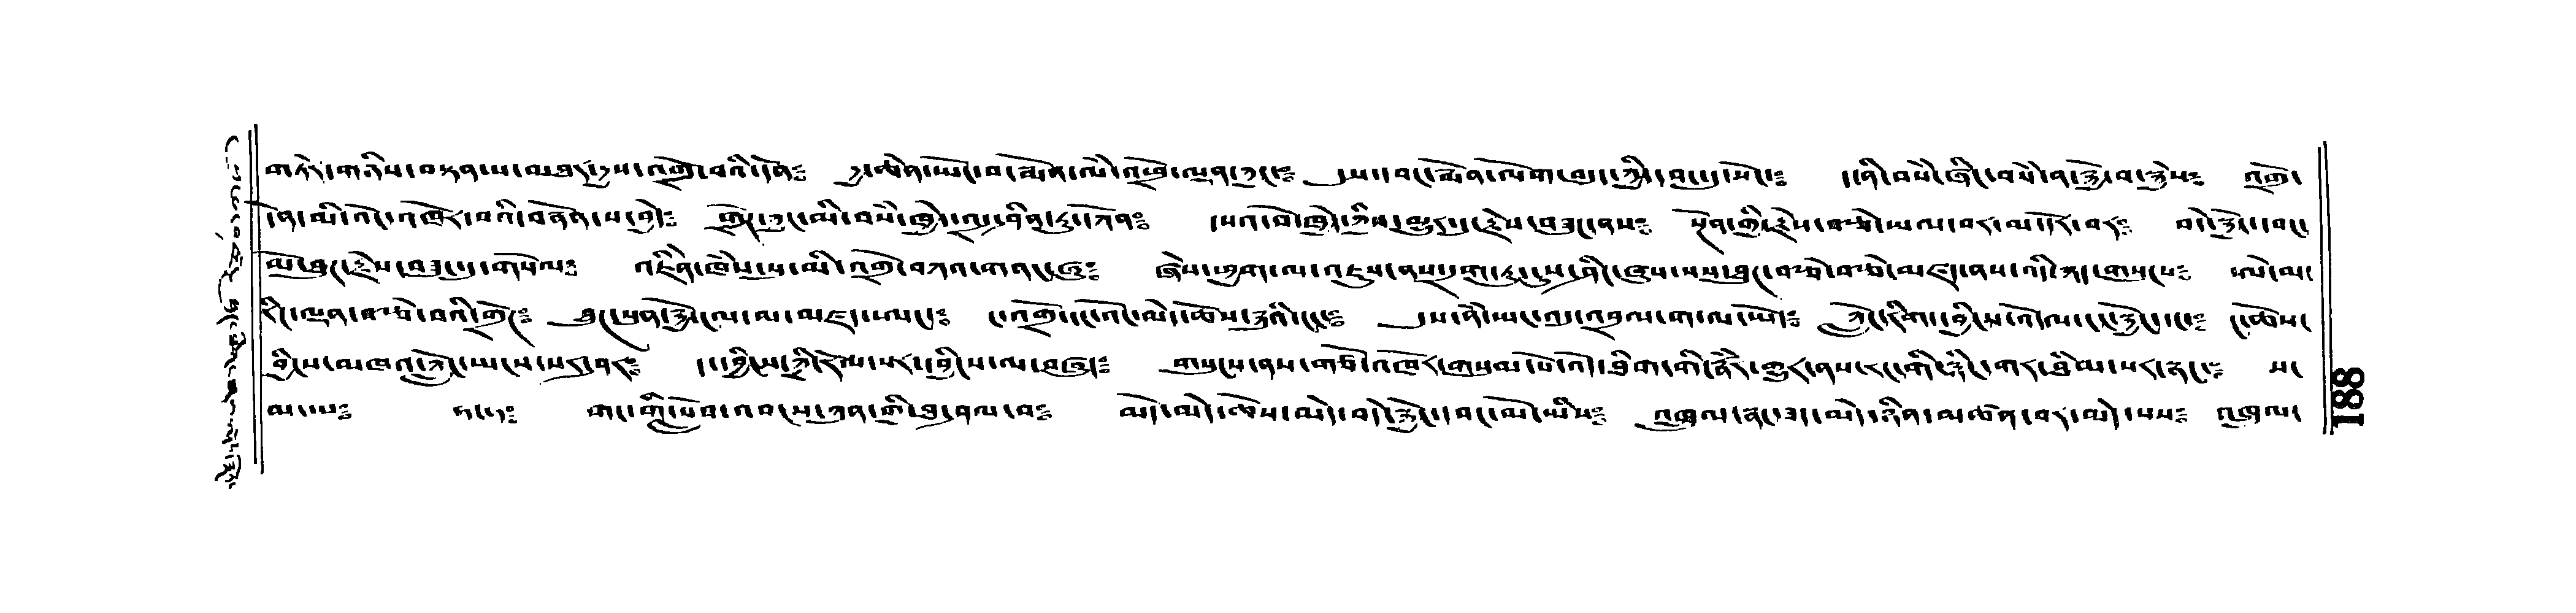གཏེར་གཉིས་བསྟན་པ་མཐར་རྒྱས་འགྲོ་བའི་དོན༔ རྒྱ་ཆེན་ཡོང་བའི་སྨོན་ལམ་འཕྲོ་ལྡན་ཀྱང༔ དུས་དབང་སྨོན་ལོག་བདུད་ཀྱི་དབང་དུ་སོང༔ ད་ནི་བསམ་ཞིང་བསམ་ན་སྐྱོ་བ་སྐྱེས༔ འགྲོ་
དོན་མི་འོང་འཁོར་བའི་བསྣོན་པ་བྱེད༔ གྲོགས་ཀྱང་མི་བསམ་ཁྱེད་འདྲ་ཤིན་ཏུ་དཀོན༔ དཔའ་བོ་ཁྱེད་ཀྱིས་མྱུར་ཏུ་རྗེས་བཟུང་ནས༔ སྔོན་གྱི་རྗེས་བརྩེ་ཡལ་བར་མ་དོར་བར༔ བདེ་སྐྱོང་དབང་
མོ་ཐུགས་རྗེས་བཟུང་དུ་གསོལ༔ འཇིག་རྟེན་ཁམས་སུ་མི་འགྲོ་བཀའ་གནང་ཞུ༔ ཞེས་ཕྱག་ལ་འཇུས་ནས་དྲག་ཏུ་དུས་ཤིང་ཞུས་པས་ཐུགས་བརྩེ་མཛད་ནས་འདི་སྐད་གསུངས༔ ཨེ་མ་
རིགས་ལྡན་བརྩེ་བའི་གྲོགས༔ ཐུགས་སུན་སྐྱོ་ངལ་མ་མཛད་ཨང༔ ང་འགྲོ་དང་འོང་མེད་ཆོས་སྐུའི་ངང༔དུས་ནམ་ཡང་འདུ་འབྲལ་ག་ལ་ཡོད༔ ཀློང་རིག་དབྱིངས་འོད་གསལ་ངང་སྐྱོངས་དང༔ ང་ཆོས་
བྱིངས་མཁའ་ཀློང་ཡངས་པར་ཤར༔ ད་དབྱིངས་ཀྱི་རོལ་པར་དབྱིངས་ལ་བཞུགས༔ གསུངས་ནས་གཙོ་འཁོར་གསུམ་པོ་འོད་ཐིག་གི་རྣམ་པར་གྱུར་ནས་རང་གི་སྙིང་གར་ཐིམ་པར་སྣང༔ ས་
མ་ཡ༔ ཧ་ཧ། གང་གི་སློབ་འབངས་ཀུན་གྱི་ཐ་ཤལ་བ། །མདོ་མེད་ཆོས་མེད་བདེ་སྐྱོང་དབང་མོ་ཡིས། །འཁྲུལ་སྣང་ཟད་མེད་ཉིན་མཚན་བར་མེད་པས། །འཁྲུལ་